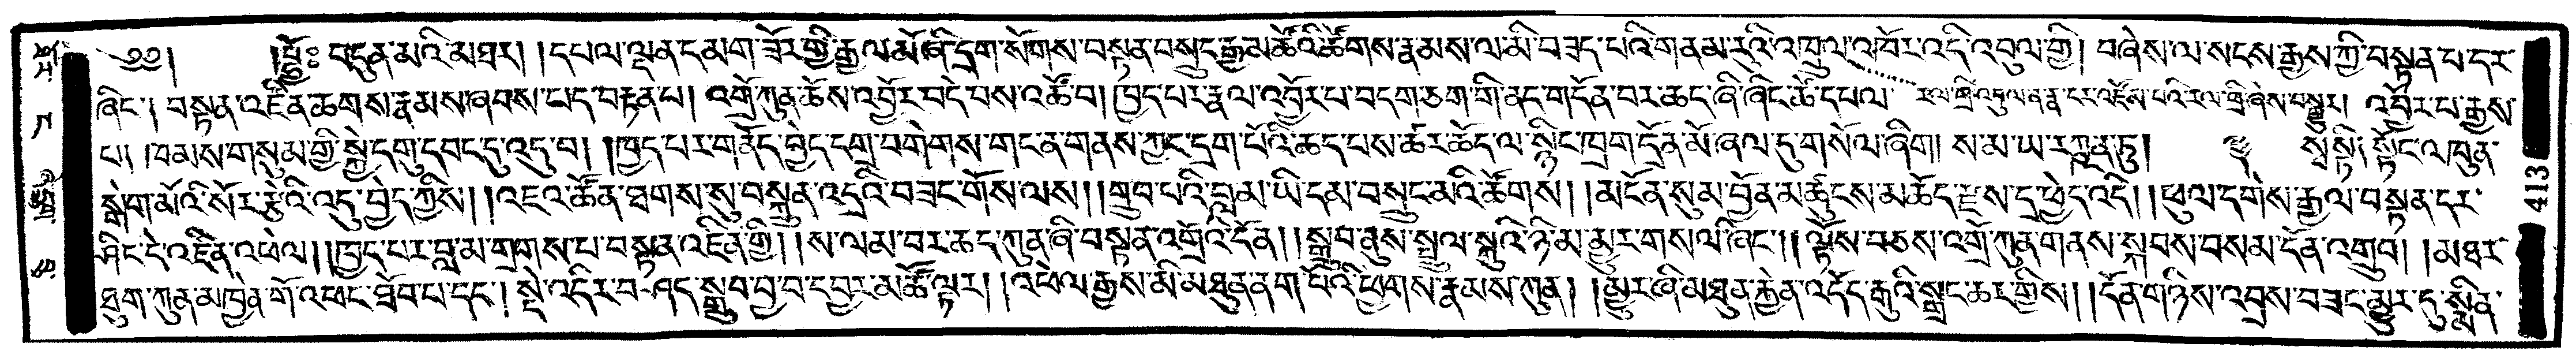༄༅། །བྷྱོཿ བདུན་མའི་མཐར། །དཔལ་ལྡན་དམག་ཟོར་གྱི་རྒྱལ་མོ་ཞི་དྲག་སོགས་བསྟན་བསྲུང་རྒྱ་མཚོའི་ཚོགས་རྣམས་ལ་མི་བཟད་པའི་གནམ་རུའི་འཁྲུལ་འཁོར་འདི་འབུལ་གྱི། བཞེས་ལ་སངས་རྒྱས་ཀྱི་བསྟན་པ་དར་
ཞིང་། བསྟན་འཛིན་ཆགས་རྣམས་ཞབས་པད་བརྟན་པ། འགྲོ་ཀུན་ཆོས་འབྱོར་བདེ་བས་འཚོ་བ། ཁྱད་པར་རྣལ་འབྱོར་པ་བདག་ཅག་གི་ནང་གདོན་བར་ཆད་ཞི་ཞིང་ཚེ་དཔལ་རལ་གྲི་འདུལ་ན་རྣ་ངར་འཛོམ་པའི་རལ་གྲི་ཞེས་བསྒྱུར། འབྱོར་པ་རྒྱས་
པ། ཁམས་གསུམ་གྱི་སྐྱེ་དགུ་དབང་དུ་འདུ་བ། །ཁྱད་པར་གནོད་བྱེད་དགྲ་བགེགས་གང་ན་གནས་ཀྱང་དྲག་པོའི་ཆད་པས་ཚར་ཆོད་ལ་སྙིང་ཁྲག་དྲོན་མོ་ཞལ་དུ་གསོལ་ཞིག །ས་མ་ཡ་རཀྵ་ན་ཏུ། ༈ སྭ་སྟི། སྟོང་འཁུན་
སྒེག་མོའི་སོར་རྩེའི་འདུ་བྱེད་ཀྱིས། །འཇའ་ཚོན་ཐགས་སུ་བསྐྲུན་འདྲའི་བཟང་གོས་ལས། །གྲུབ་པའི་བླ་མ་ཡི་དམ་བསྲུང་མའི་ཚོགས། །མངོན་སུམ་བྱོན་མཚུངས་མཆོད་རྫས་དྲ་ཕྱེད་འདི། །ཕུལ་དགེས་རྒྱལ་བསྟན་དར་
ཤིང་དེ་འཛིན་འཕེལ། །ཁྱད་པར་བླ་མ་གྲགས་པ་བསྟན་འཛིན་གྱི། །ས་ལམ་བར་ཆད་ཀུན་ཞི་བསྟན་འགྲོའི་དོན། །སྒྲུབ་ནུས་སྤྲུལ་སྐུའི་ཉི་མ་མྱུར་གསལ་ཞིང་། །ལྟོས་བཅས་འགྲོ་ཀུན་གནས་སྐབས་བསམ་དོན་འགྲུབ། །མཐར་
ཐུག་ཀུན་མཁྱེན་གོ་འཕང་ཐོབ་པ་དང་། སྡེ་འདིར་བཤད་སྒྲུབ་བྱ་བ་དབྱར་མཚོ་ལྟར། །འཕེལ་རྒྱས་མི་མཐུན་ནག་པོའི་ཕྱོགས་རྣམས་ཀུན། །མྱུར་ཞི་མཐུན་རྐྱེན་འདོད་རྒུའི་སྒྲང་ཆར་གྱིས། །དོན་གཉིས་འབྲས་བཟང་མྱུར་དུ་སྨིན་